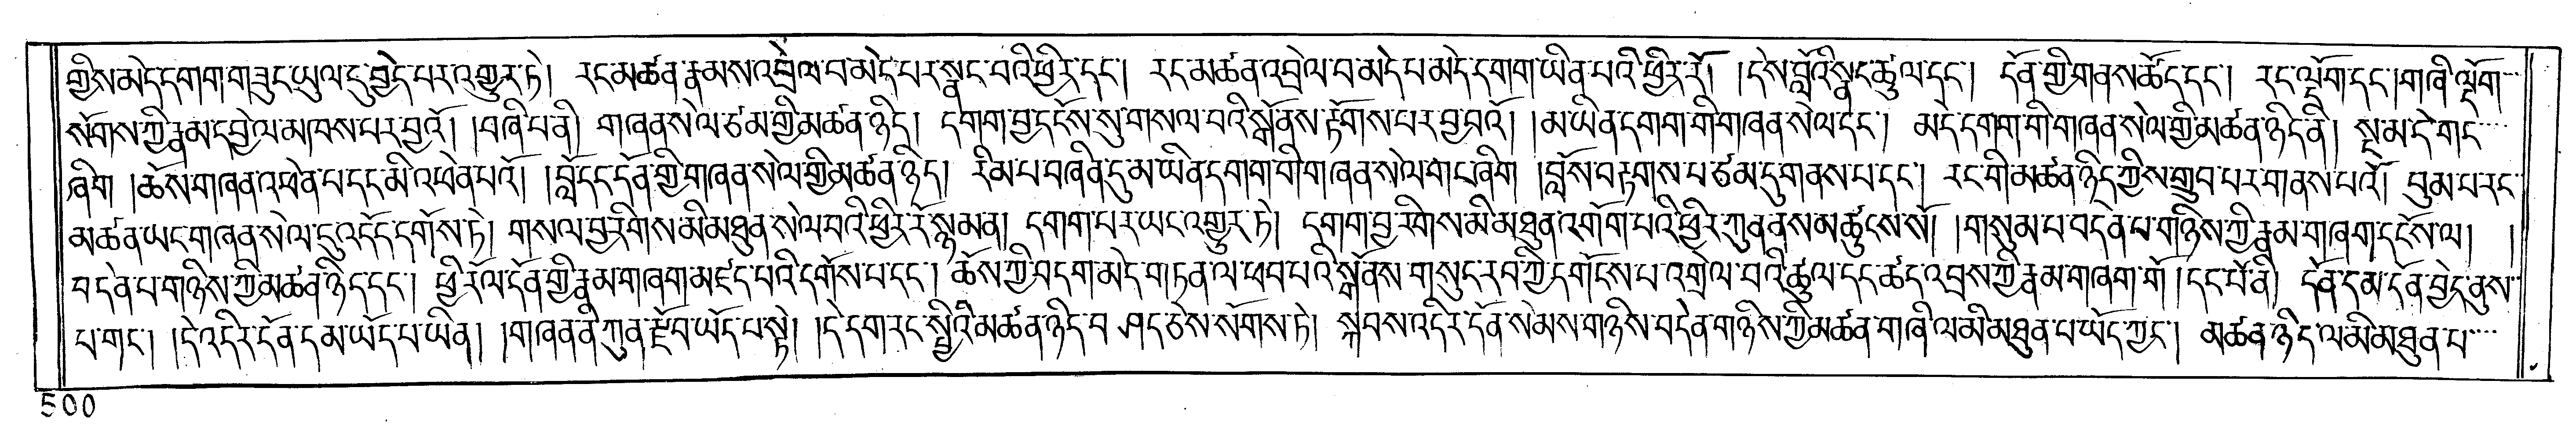གྱིས་མེད་དགག་གཟུང་ཡུལ་དུ་བྱེད་པར་འགྱུར་ཏེ། རང་མཚན་རྣམས་འབྲེལ་པ་མེད་པར་སྣང་བའི་ཕྱིར་དང་། རང་མཚན་འབྲེལ་པ་མེད་པ་མེད་དགག་ཡིན་པའི་ཕྱིར་རོ། །དེས་བློའི་སྣང་ཚུལ་དང་། དོན་གྱི་གནས་ཚོད་དང་། རང་ལྡོག་དང་། གཞི་ལྡོག་
སོགས་ཀྱི་རྣམ་དབྱེ་ལ་མཁས་པར་བྱའོ། །བཞི་པ་ནི། གཞན་སལ་ཙམ་གྱི་མཚན་ཉིད། དགག་བྱ་དངོས་སུ་གསལ་བའི་སྒོ་ནས་རྟོགས་པར་བྱ་བའོ། །མ་ཡིན་དགག་གི་གཞན་སེལ་དང་། མེད་དགག་གི་གཞན་སེལ་གྱི་མཚན་ཉིད་ནི། སྔ་མ་དེ་གང་
ཞིག །ཆོས་གཞན་འཕེན་པ་དང་མི་འཕེན་པའོ། །བློ་དང་དོན་གྱི་གཞན་སེལ་གྱི་མཚན་ཉིད། རིམ་པ་བཞིན་དུ་མ་ཡིན་དགག་གི་གཞན་སེལ་གང་ཞིག །བློས་བརྟགས་པ་ཙམ་དུ་གནས་པ་དང་། རང་གི་མཚན་ཉིད་ཀྱིས་གྲུབ་པར་གནས་པའོ། །བུམ་པ་རང་
མཚན་ཡང་གཞན་སེལ་དུ་འདོད་དགོས་ཏེ། གསལ་བྱ་རིགས་མི་མཐུན་སེལ་བའི་ཕྱིར་རོ་སྙམ་ན། དགག་པར་ཡང་འགྱུར་ཏེ། དགག་བྱ་རིགས་མི་མཐུན་འགོག་པའི་ཕྱིར་ཀུན་ནས་མཚུངས་སོ། །གསུམ་པ་བདེན་པ་གཉིས་ཀྱི་རྣམ་གཞག་དངོས་ལ།
བདེན་པ་གཉིས་ཀྱི་མཚན་ཉིད་དང་། ཕྱི་རོལ་དོན་གྱི་རྣམ་གཞག་མཛད་པའི་དགོས་པ་དང་། ཆོས་ཀྱི་བདག་མེད་གཏན་ལ་ཕབ་པའི་སྒོ་ནས་གསུང་རབ་ཀྱི་དགོངས་པ་འགྲེལ་བའི་ཚུལ་དང་ཚད་འབྲས་ཀྱི་རྣམ་གཞག་གོ །དང་པོ་ནི། དོན་དམ་དོན་བྱེད་ནུས་
པ་གང་། །དེ་འདིར་དོན་དམ་ཡོད་པ་ཡིན། །གཞན་ནི་ཀུན་རྫོབ་ཡོད་པ་སྟེ། །དེ་དག་རང་སྤྱིའི་མཚན་ཉིད་བཤད་ཅེས་སོགས་ཏེ། སྐབས་འདིར་དོན་སེམས་གཉིས་བདེན་གཉིས་ཀྱི་མཚན་གཞི་ལ་མི་མཐུན་པ་ཡོད་ཀྱང་། མཚན་ཉིད་ལ་མི་མཐུན་པ་